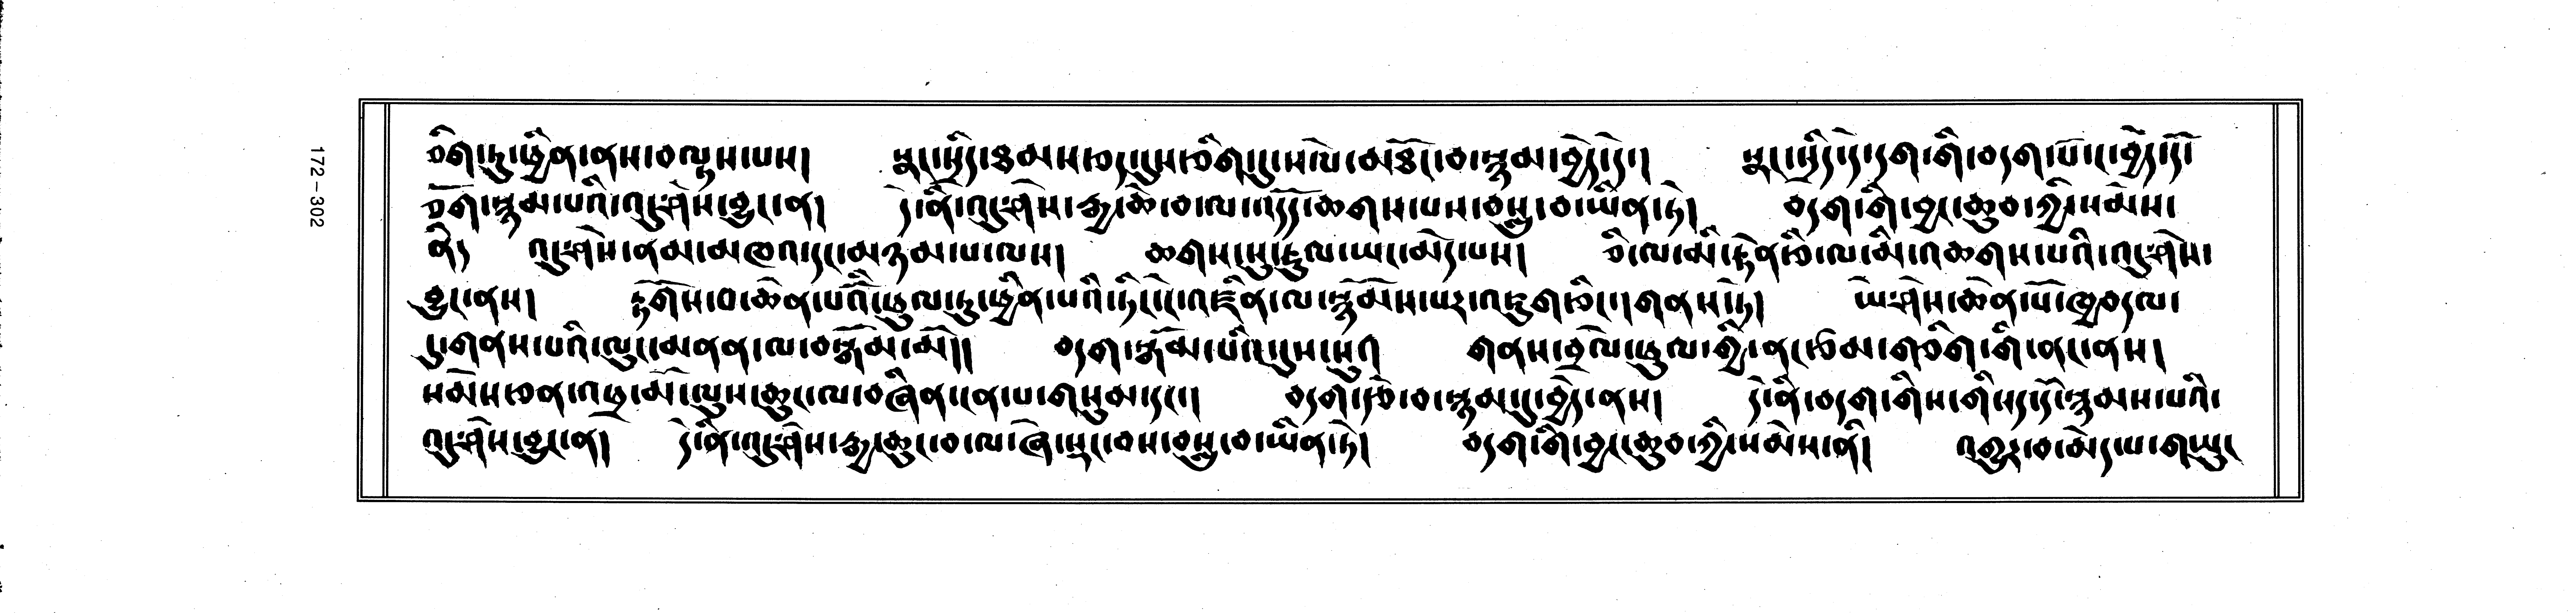ཅིག་ཏུ་ཕྱིན་ནས་བལྟས་པས། སྣང་སྲིད་ཐམས་ཅད་དུས་ཅིག་དུ་ས་ལེ་མཐོང་བ་སྙམ་བྱེད་དེ། སྣང་སྲིད་དེ་དག་གི་བདག་པོ་ང་བྱེད་དོ་
ཅོག་སྙམས་པའི་འདུ་ཤེས་བྱུང་ན། དེ་ནི་འདུ་ཤེས་རྒྱ་ཆེ་བ་ལ་འདོད་ཆགས་པས་བསླུ་བ་ཡིན་ཏེ། བདག་གི་བྱང་ཆུབ་ཀྱིས་སེམས་
ནི། འདུ་ཤེས་ནམ་མཁའ་དང་མཉམ་པ་ལས། ཆགས་སུ་རྡུལ་ཡང་མེད་པས། ཅི་ལ་མི་རྟེན་ཅི་ལ་མི་འཆགས་པའི་འདུ་ཤེས་
བྱུང་ནས། རྟོགས་པ་ཆེན་པོའི་ཕུལ་ཏུ་ཕྱིན་པའི་ཏིང་ངེ་འཛིན་ལ་སྙོམས་པར་འཇུགས་ཅིང་གནས་ཏེ། ཡེ་ཤེས་ཆེན་པོ་ཁྱབ་བདལ་
དུ་གནས་པའི་ལུང་མནན་ལ་བསྒོམ་མོ། བདག་སྒོམ་པའི་དུས་སུ། གནས་བྲེལ་ཕུལ་གྱི་ནང་ཙམ་གཅིག་གི་ནང་ནས། 
སེམས་ཅན་འཕྲ་མོ་ལུས་ཆུང་ལ་བཞིན་ངན་པ་གསུམ་དང་། བདག་རྩེ་བ་སྙམ་དུ་བྱེད་ནས། དེ་ནི་བདག་གིས་གསད་དོ་སྙམས་པའི་
འདུ་ཤེས་བྱུང་ན། དེ་ནི་འདུ་ཤེས་རྒྱ་ཆུང་བ་ལ་ཞེ་སྡང་བས་བསླུ་བ་ཡིན་ཏེ། བདག་གི་བྱང་ཆུབ་ཀྱིས་སེམས་ནི། འགྱུར་བ་མེད་པ་གཡུང་